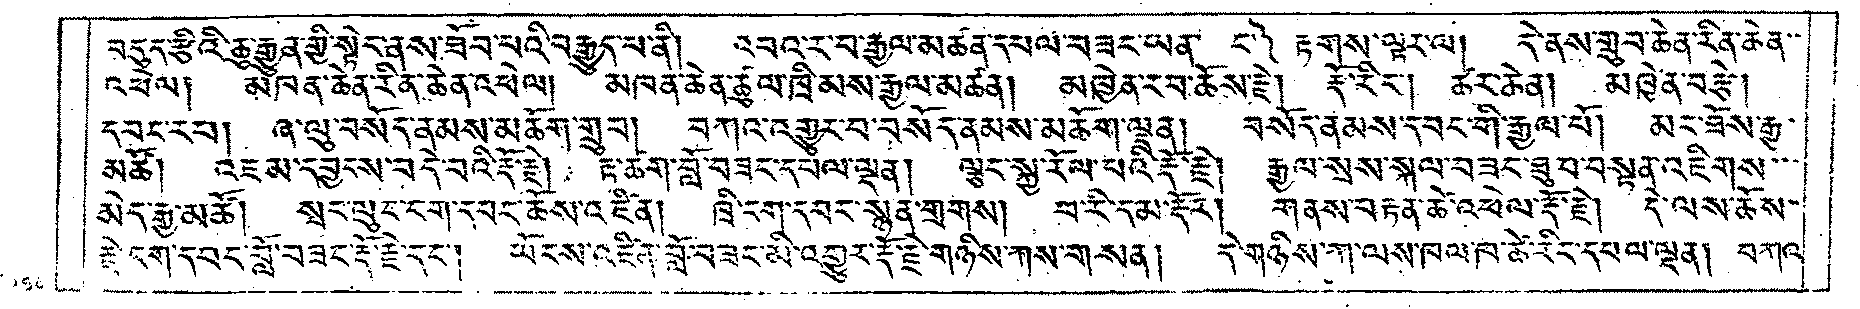བདུད་རྩིའི་ཆུ་རྒྱུན་གྱི་སྟེང་ནས་ཐོབ་པའི་བརྒྱུད་པ་ནི། འབའ་ར་བ་རྒྱལ་མཚན་དཔལ་བཟང་ཡན་ང྄་རྟགས་ལྟར་ལ། དེ་ནས་གྲུབ་ཆེན་རིན་ཆེན་
འཕེལ། མཁན་ཆེན་རིན་ཆེན་འཕེལ། མཁན་ཆེན་ཚུལ་ཁྲིམས་རྒྱལ་མཚན། མཁྱེན་རབ་ཆོས་རྗེ། རྡོ་རིང་། ཚར་ཆེན། མཁྱེན་བརྩེ།
དབང་རབ། ཞ་ལུ་བསོད་ནམས་མཆོག་གྲུབ། བཀའ་འགྱུར་བ་བསོད་ནམས་མཆོག་ལྡན། བསོད་ནམས་དབང་གི་རྒྱལ་པོ། མང་ཐོས་རྒྱ་
མཚོ། འཇམ་དབྱངས་བདེ་བའི་རྡོ་རྗེ། རྟ་ཚག་བློ་བཟང་དཔལ་ལྡན། ལྕང་སྐྱ་རོལ་པའི་རྡོ་རྗེ། རྒྱལ་སྲས་སྐལ་བཟང་ཐུབ་བསྟན་འཇིགས་
མེད་རྒྱ་མཚོ། སྤང་ལུང་ངག་དབང་ཆོས་འཛིན། ཁྲི་ངག་དབང་སྙན་གྲགས། བ་རི་དམ་རྡོར། གནས་བརྟན་ཚེ་འཕེལ་རྡོ་རྗེ། དེ་ལས་ཆོས་
རྗེ་ངག་དབང་བློ་བཟང་རྡོ་རྗེ་དང་། ཡོངས་འཛིན་བློ་བཟང་མི་འགྱུར་རྡོ་རྗེ་གཉིས་ཀས་གསན། དེ་གཉིས་ཀ་ལས་ཁལ་ཁ་ཚེ་རིང་དཔལ་ལྡན། བཀའ་